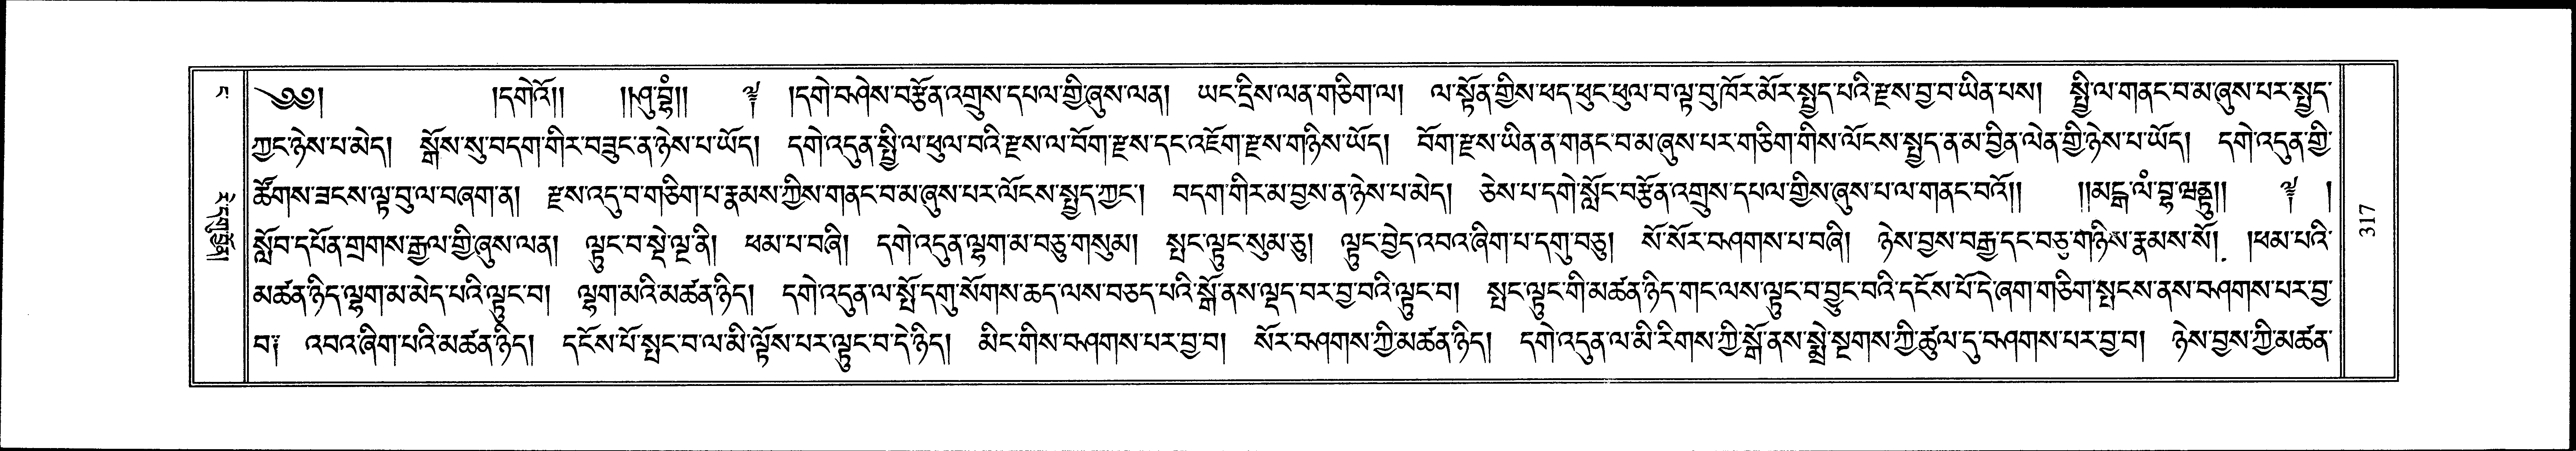༄༅། །དགེའོ།། །།ཤུ་བྷཾ།། ༈ །དགེ་བཤེས་བརྩོན་འགྲུས་དཔལ་གྱི་ཞུས་ལན། ཡང་དྲིས་ལན་གཅིག་ལ། ལ་སྟོན་གྱིས་ཕད་ཕུང་ཕུལ་བ་ལྟ་བུ་ཁོར་མོར་སྤྱད་པའི་རྫས་བྱ་བ་ཡིན་པས། སྤྱི་ལ་གནང་བ་མ་ཞུས་པར་སྤྱད་
ཀྱང་ཉེས་པ་མེད། སྒོས་སུ་བདག་གིར་བཟུང་ན་ཉེས་པ་ཡོད། དགེ་འདུན་སྤྱི་ལ་ཕུལ་བའི་རྫས་ལ་བོག་རྫས་དང་འཇོག་རྫས་གཉིས་ཡོད། བོག་རྫས་ཡིན་ན་གནང་བ་མ་ཞུས་པར་གཅིག་གིས་ལོངས་སྤྱད་ན་མ་བྱིན་ལེན་གྱི་ཉེས་པ་ཡོད། དགེ་འདུན་གྱི་
ཚོགས་ཟངས་ལྟ་བུ་ལ་བཞག་ན། རྫས་འདུ་བ་གཅིག་པ་རྣམས་ཀྱིས་གནང་བ་མ་ཞུས་པར་ལོངས་སྤྱད་ཀྱང་། བདག་གིར་མ་བྱས་ན་ཉེས་པ་མེད། ཅེས་པ་དགེ་སློང་བརྩོན་འགྲུས་དཔལ་གྱིས་ཞུས་པ་ལ་གནང་བའོ།། །།མངྒ་ལཾ་བྷ་ཝནྟུ།། ༈ །
སློབ་དཔོན་གྲགས་རྒྱལ་གྱི་ཞུས་ལན། ལྟུང་བ་སྡེ་ལྔ་ནི། ཕམ་པ་བཞི། དགེ་འདུན་ལྷག་མ་བཅུ་གསུམ། སྤང་ལྟུང་སུམ་ཅུ། ལྟུང་བྱེད་འབའ་ཞིག་པ་དགུ་བཅུ། སོ་སོར་བཤགས་པ་བཞི། ཉེས་བྱས་བརྒྱ་དང་བཅུ་གཉིས་རྣམས་སོ། །ཕམ་པའི་
མཚན་ཉིད་ལྷག་མ་མེད་པའི་ལྟུང་བ། ལྷག་མའི་མཚན་ཉིད། དགེ་འདུན་ལ་སྤོ་དགུ་སོགས་ཆད་ལས་བཅད་པའི་སྒོ་ནས་ལྡད་བར་བྱ་བའི་ལྟུང་བ། སྤང་ལྟུང་གི་མཚན་ཉིད་གང་ལས་ལྟུང་བ་བྱུང་བའི་དངོས་པོ་དེ་ཞག་གཅིག་སྤངས་ནས་བཤགས་པར་བྱ་
བ། འབའ་ཞིག་པའི་མཚན་ཉིད། དངོས་པོ་སྤང་བ་ལ་མི་ལྟོས་པར་ལྟུང་བ་དེ་ཉིད། མིང་གིས་བཤགས་པར་བྱ་བ། སོར་བཤགས་ཀྱི་མཚན་ཉིད། དགེ་འདུན་ལ་མི་རིགས་ཀྱི་སྒོ་ནས་སྨྲེ་སྔགས་ཀྱི་ཚུལ་དུ་བཤགས་པར་བྱ་བ། ཉེས་བྱས་ཀྱི་མཚན་